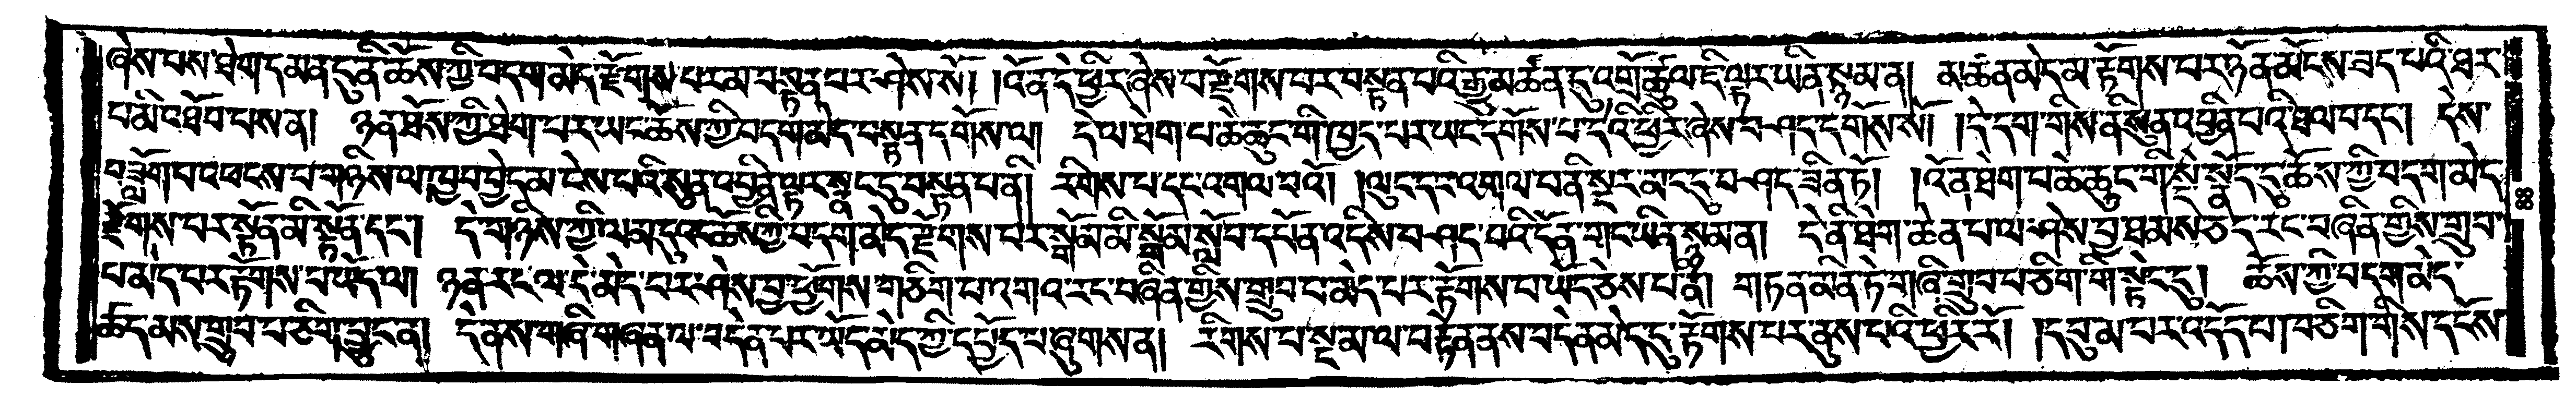ཞེས་པས་ཐེག་དམན་དུ་ནི་ཆོས་ཀྱི་བདག་མེད་རྫོགས་པར་མ་བསྟན་པར་ཤེས་སོ། །འོ་ན་དེ་ཕྱིར་ཞེས་པ་རྫོགས་པར་བསྟན་པའི་རྒྱུ་མཚན་དུ་འགྲོ་ཚུལ་ཇི་ལྟར་ཡིན་སྙམ་ན། མཚན་མེད་མ་རྟོགས་པར་ཉོན་མོངས་ཟད་པའི་ཐར་
པ་མི་འཐོབ་པས་ན། ཉན་ཐོས་ཀྱི་ཐེག་པར་ཡང་ཆོས་ཀྱི་བདག་མེད་བསྟན་དགོས་ལ། དེ་ལ་ཐེག་པ་ཆེ་ཆུང་གི་ཁྱད་པར་ཡང་དགོས་པ་དེའི་ཕྱིར་ཞེས་བཤད་དགོས་སོ། །དེ་དག་གིས་ནི་སུན་འབྱིན་པའི་ཐལ་བ་དང་། དེས་
བཟློག་པ་འཕངས་པ་གཉིས་ལ་ཁྱབ་བྱེད་མ་ངེས་པའི་སུན་འབྱིན་ལྟར་སྣང་དུ་བསྟན་པ་ནི། རིགས་པ་དང་འགལ་བའོ། །ལུང་དང་འགལ་བ་ནི་སྔར་མང་དུ་བཤད་ཟིན་ཏོ། །འོ་ན་ཐེག་པ་ཆེ་ཆུང་གི་སྡེ་སྣོད་དུ་ཆོས་ཀྱི་བདག་མེད་
རྫོགས་པར་སྟོན་མི་སྟོན་དང་། དེ་གཉིས་ཀྱི་ལམ་དུའང་ཆོས་ཀྱི་བདག་མེད་རྫོགས་པར་སྒོམ་མི་སྒོམ་སློབ་དཔོན་འདིས་བཤད་པའི་དོན་གང་ཡིན་སྙམ་ན། དེ་ནི་ཐེག་ཆེན་པ་ལ་ཤེས་བྱ་ཐམས་ཅད་རང་བཞིན་གྱིས་གྲུབ་
པ་མེད་པར་རྟོགས་པ་ཡོད་ལ། ཉན་རང་ལ་དེ་མེད་པར་ཤེས་བྱ་ཕྱོགས་གཅིག་པ་འགའ་རང་བཞིན་གྱིས་གྲུབ་པ་མེད་པར་རྟོགས་པ་ཡོད་ཅེས་པ་ནི། གཏན་མིན་ཏེ་གཞི་གྲུབ་པ་ཅིག་གི་སྟེང་དུ། ཆོས་ཀྱི་བདག་མེད་
ཚད་མས་གྲུབ་པ་ཅིག་བྱུང་ན། དེ་ནས་གཞི་གཞན་ལ་བདེན་པར་ཡོད་མེད་ཀྱི་དཔྱོད་པ་ཞུགས་ན། རིགས་པ་སྔ་མ་ལ་བརྟེན་ནས་བདེན་མེད་དུ་རྟོགས་པར་ནུས་པའི་ཕྱིར་རོ། །དབུ་མ་པར་འདོད་པ་ཁ་ཅིག་གིས་དངོས་